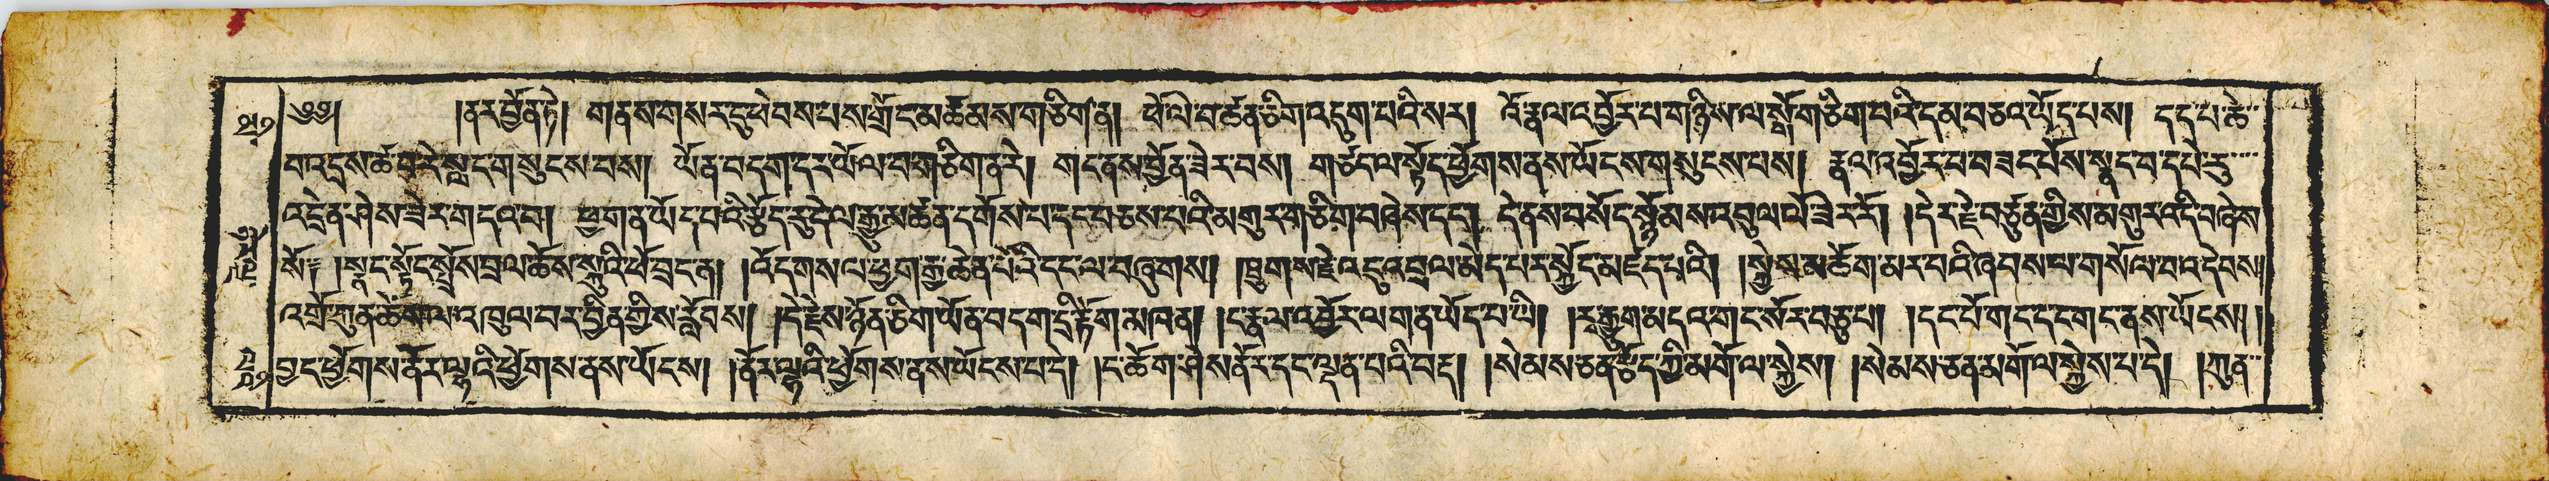ནར་བྱོན་ཏེ། གནས་གསར་བུ་ཕེབས་པས་གྲོང་མཚམས་གཅིག་ན། ཕོ་ལེ་བ་ཚན་ཅིག་འདུག་པའི་སར། འོ་རྣལ་འབྱོར་པ་གཉིས་ལ་སྒོ་གཅིག་པའི་དམ་བཅའ་ཡོད་པས། དད་པ་ཆེ་
བ་འདྲས་ཚ་བ་རེ་སླང་གསུངས་པས། ཡོན་བདག་དར་ཡོལ་བ་གཅིག་ན་རེ། གང་ནས་བྱོན་ཟེར་བས། གཙང་ལ་སྟོད་ཕྱོགས་ནས་ཡོངས་གསུངས་པས། རྣལ་འབྱོར་བ་བཟང་པོས་སྣང་བ་དཔེ་རུ་
འདྲེན་ཤེས་ཟེར་གདའ་བ། ཕྱག་ན་ཡོད་པའི་རྩོད་རུ་དེ་ལ་རྒྱུ་མཚན་དགོས་པ་དང་བཅས་པའི་མགུར་གཅིག་བཞེས་དང་། དེ་ནས་བསོད་སྙོམས་འབུལ་ལོ་ཟེར་རོ། །དེར་རྗེ་བཙུན་གྱིས་མགུར་འདི་བཞེས་
སོ། །སྣང་སྟོང་སྤྲོས་བྲལ་ཆོས་སྐུའི་ཕོ་བྲང་ན། །འོད་གསལ་ཕྱག་རྒྱ་ཆེན་པོའི་ངང་ལ་བཞུགས། །ཐུགས་རྗེ་འདུ་འབྲལ་མེད་པར་སྐྱོང་མཛད་པའི། །སྐྱེས་མཆོག་མར་པའི་ཞབས་ལ་གསོལ་བ་འདེབས། 
འགྲོ་ཀུན་ཆོས་ལ་འཁུལ་བར་བྱིན་གྱིས་རློབས། །དེ་རྗེས་ཉོན་ཅིག་ཡོན་བདག་དྲི་རྟོག་མཁན། །ང་རྣལ་འབྱོར་ལག་ན་ཡོད་པ་ཡི། །རྭ་རྒྱུག་མདའ་གང་སོར་བཅུ་པ། །དང་པོ་གང་དང་གང་ནས་ཡོངས། །
བྱང་ཕྱོགས་ནོར་ལྷའི་ཕྱོགས་ནས་ཡོངས། །ནོར་ལྷའི་ཕྱོགས་ནས་ཡོངས་པ་དེ། །ང་ཆོག་ཤེས་ནོར་དང་ལྡན་པའི་བརྡ། །སེམས་ཅན་རྩོད་ཀྱི་མགོ་ལ་སྐྱེས། །སེམས་ཅན་མགོ་ལ་སྐྱེས་པ་དེ། །ཀུན་